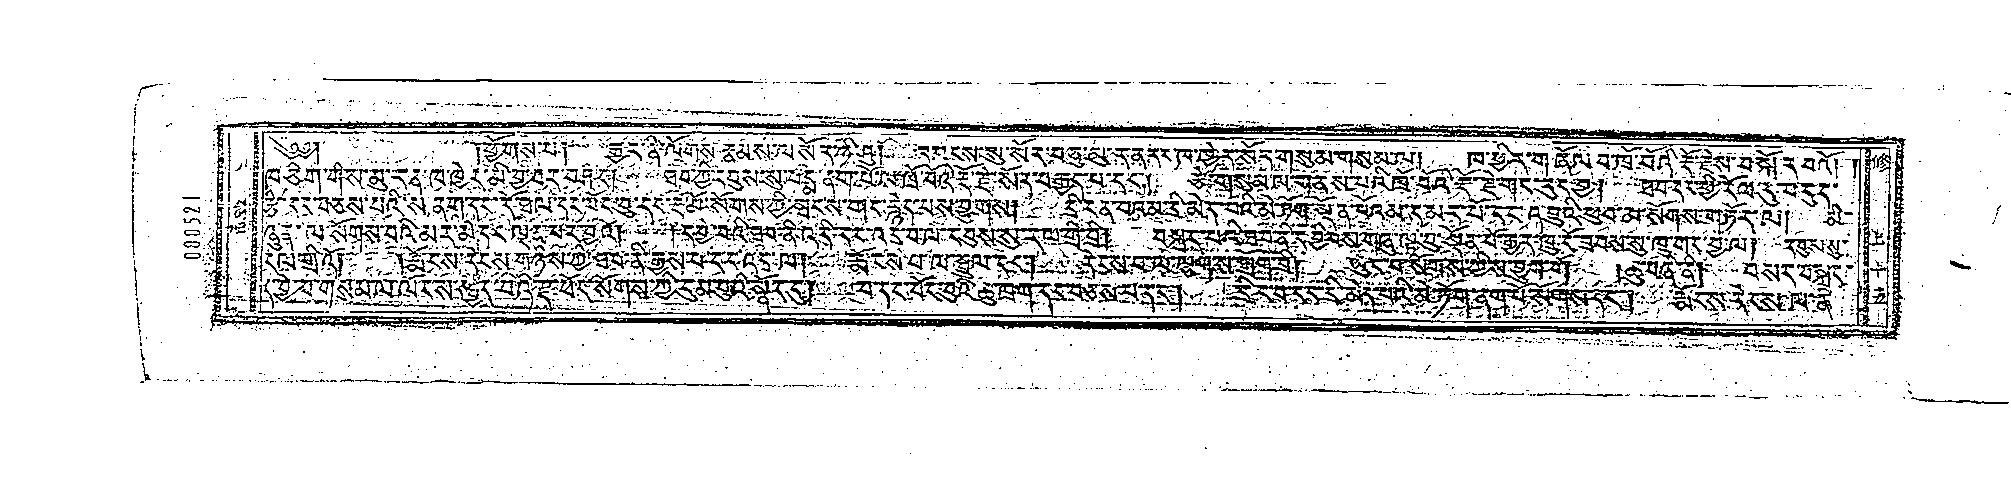༄༅། །ཕྱོགས་པ། རྒྱར་ནི་ལོགས་རྣམས་ལ་སོར་ཉི་ཤུ། དཔངས་སུ་སོར་བཅུ་མུ་རན་དང་ཁ་ཁྱེར་སོར་གསུམ་གསུམ་ལ། ཁ་ཕྱིར་གཞོལ་བ་ཁྲོ་བོའི་རྡོ་རྗེས་བསྐོར་བའོ། །
ཁ་ཅིག་གིས་མུ་རན་ཁ་ཁྱེར་མི་བྱ་བར་བཤད། ཐབས་ཀྱི་དབུས་སུ་པདམ་ནག་པོ་ལ་ཁྲོ་བོའི་རྡོ་རྗེ་སོར་བརྒྱད་པ་དང་། རྩེ་གསུམ་ལ་གནས་པའི་ཁྲོ་བོའི་རྡོ་རྗེ་གང་རུང་བྱ། ཐབ་དང་ཕྱི་རོལ་དུ་བདུད་
རྩི་དང་བཅས་པའི་ས་ནག་དང་དོ་ཐལ་དང་བོང་བུ་དང་རྔ་མོ་སོགས་ཀྱི་སྦངས་གང་རྙེད་པས་བྱུགས། དྲི་ངན་པའམ་དྲི་མེད་པའི་མེ་ཏོག་སྔོན་པོའམ་དམར་པོ་དང་འབྲུའི་ཕུབ་མ་སོགས་གཏོར་ལ། མི་
ཉུན་ལ་སོགས་པའི་མར་མེ་དང་ལྡན་པར་བྱའོ། །དབྱེ་བའི་ཐབ་ནི་འདི་དང་འདྲ་བ་ལ་དབུས་སུ་རལ་གྲི་བྲི། བསྐྲད་པའི་ཐབ་ནི་དབྱིབས་གཞུ་ལྟ་བུ་སྔོན་པོ་རྒྱར་ཁྲུ་ངོ་ཟབས་སུ་ཁྲུ་གང་བྱ་ལ། དབུས་སུ་
དལ་གྲིའོ། །རྨོངས་རེངས་གཉིས་ཀྱི་ཐབ་ནི་རྒྱས་པ་དང་འདྲ་ལ། རྨོངས་པ་ལ་སྦྲུལ་དང་། རེངས་པ་ལ་ལྕགས་སྒྲོག་བྲི། ཡུང་བ་སོགས་ཀྱིས་བྱུག་གོ །ཆུ་བཞི་ནི། བསང་བསྐྲང་
དབྱེ་བ་གསུམ་ལ་ལོངས་སྤྱད་པའི་རྫ་ཕོང་སོགས་ཀྱི་དུམ་བུའི་སྣོང་དུ། བ་དང་བོར་བུའི་ཆུ་ཁྲག་དང་བཅས་པ་དང་། དྲིང་བ་དང་དྲི་མེད་པའི་མེ་ཏོག་ནག་པོ་སོགས་དང་། རྨོངས་རེངས་ལ་ནི་